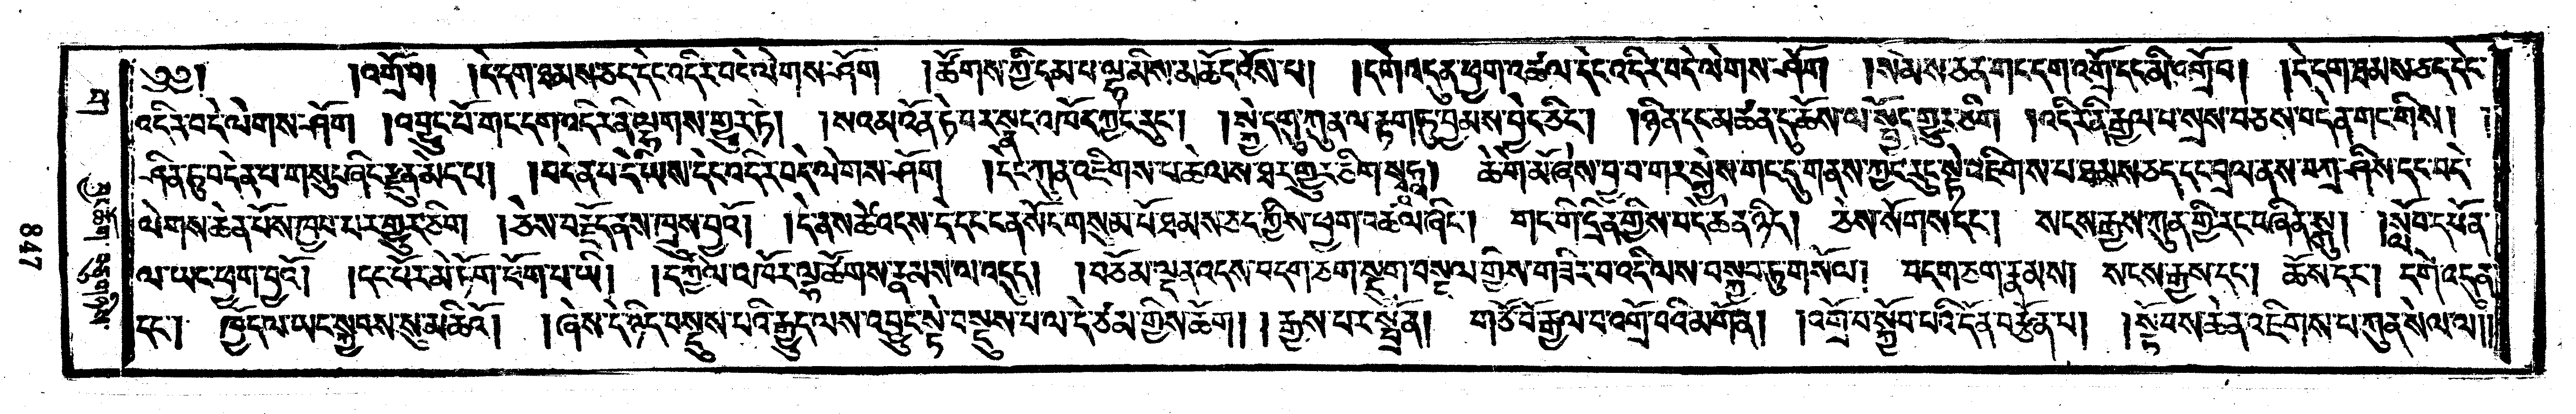༄༅། །འགྲོ་བ། །དེ་དག་ཐམས་ཅད་དེང་འདིར་བདེ་ལེགས་ཤོག ། །ཚོགས་ཀྱི་དམ་པ་ལྷ་མིས་མཆོད་འོས་པ། །དགེ་འདུན་ཕྱག་འཚལ་དེང་འདིར་བདེ་ལེགས་ཤོག །སེམས་ཅན་གང་དག་འགྲོ་དང་མི་འགྲོ་བ། །དེ་དག་ཐམས་ཅད་དེང་
འདིར་བདེ་ལེགས་ཤོག །འབྱུང་པོ་གང་དག་འདིར་ནི་ལྷགས་གྱུར་ཏེ། །སའམ་འོན་ཏེ་བར་སྣང་འཁོར་ཀྱང་རུང་། །སྐྱེ་དགུ་ཀུན་ལ་རྟག་ཏུ་བྱམས་བྱེད་ཅིང་། །ཉིན་དང་མཚན་དུ་ཆོས་ལ་སྤྱོད་གྱུར་ཅིག །འདིར་ནི་རྒྱལ་བ་སྲས་བཅས་བདེན་གང་གིས། །
ཤིན་ཏུ་བདེན་པ་གསུང་ཞིང་རྫུན་མེད་པ། །བདེན་པ་དེ་ཡིས་དེང་འདིར་བདེ་ལེགས་ཤོག །དེང་ཀུན་འཇིགས་པ་ཆེ་ལས་ཐར་གྱུར་ཅིག་སྭཱཧཱ། །ཆེ་གེ་མོ་ཞེས་བྱ་བ་གར་སྐྱེས་གང་དུ་གནས་ཀྱང་རུང་སྟེ་འཇིགས་པ་ཐམས་ཅད་དང་བྲལ་ནས་བཀྲ་ཤིས་དང་བདེ་
ལེགས་ཆེན་པོས་ཁྱབ་པར་གྱུར་ཅིག །ཅེས་བརྗོད་ནས་ཁྲུས་བྱའོ། །དེ་ནས་ཚེ་འདས་དེ་དང་ངན་སོང་གསུམ་པོ་ཐམས་ཅད་ཀྱིས་ཕྱག་འཚལ་ཞིང་། གང་གི་དྲིན་གྱིས་བདེ་ཆེན་ཉིད། །ཅེས་སོགས་དང་། སངས་རྒྱས་ཀུན་གྱི་རང་བཞིན་སྐུ། །སློབ་དཔོན་
ལ་ཡང་ཕྱག་བྱའོ། །དང་པོར་མེ་ཏོག་ཕོག་པ་ཡི། །དཀྱིལ་འཁོར་ལྷ་ཚོགས་རྣམས་ལ་འདུད། །བཅོམ་ལྡན་འདས་བདག་ཅག་སྡུག་བསྔལ་གྱིས་གཟིར་བ་འདི་ལས་བསྐྱབ་ཏུ་གསོལ། བདག་ཅག་རྣམས། །སངས་རྒྱས་དང་། ཆོས་དང་། དགེ་འདུན་
དང་། ཁྱོད་ལ་ཡང་སྐྱབས་སུ་མཆིའོ། །ཞེས་དེ་ཉིད་བསྡུས་པའི་རྒྱུད་ལས་འབྱུང་སྟེ་བསྡུས་པ་ལ་དེ་ཙམ་གྱིས་ཆོག། །རྒྱས་པར་སྤྲོན། །གཙོ་བོ་རྒྱལ་བ་འགྲོ་བའི་མགོན། །འགྲོ་བ་སྐྱོབ་པའི་དོན་བརྩོན་པ། །སྟོབས་ཆེན་འཇིགས་པ་ཀུན་སེལ་ལ།།